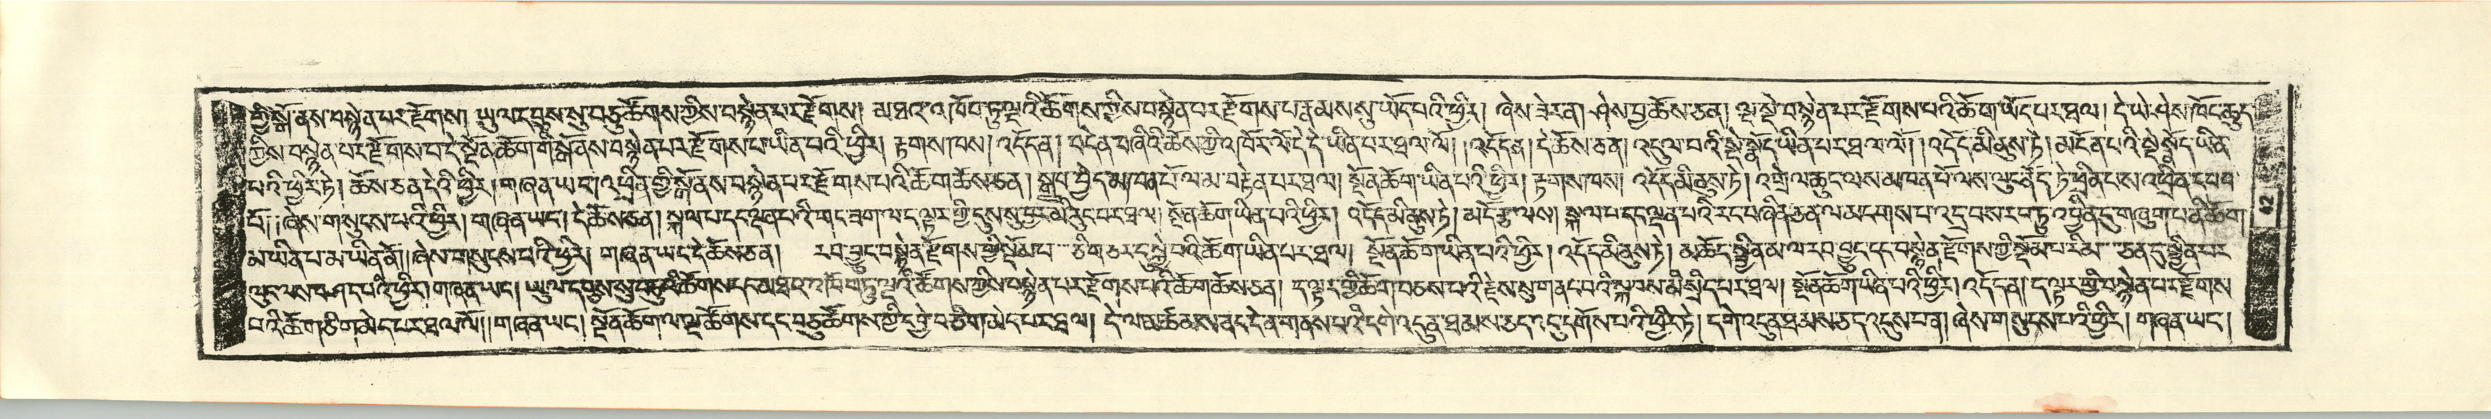གྱི་སྒོ་ནས་བསྙེན་པར་རྫོགས། ཡུལ་དབུས་སུ་བཅུ་ཚོགས་ཀྱིས་བསྙེན་པར་རྫོགས། མཐའ་འཁོབ་ཏུ་ལྔའི་ཚོགས་ཀྱིས་བསྙེན་པར་རྫོགས་པ་རྣམས་སུ་ཡོད་པའི་ཕྱིར། ཞེས་ཟེར་ན། ཤེས་བྱ་ཆོས་ཅན། ལྔ་སྡེ་བསྙེན་པར་རྫོགས་པའི་ཆོ་ག་ཡོད་པར་ཐལ། དེ་ཡེ་ཤེས་ཁོང་ཆུད་
ཀྱིས་བསྙེན་པར་རྫོགས་པ་དེ་སྔོན་ཆོག་གི་སྒོ་ནས་བསྙེན་པར་རྫོགས་པ་ཡིན་པའི་ཕྱིར། རྟགས་ཁས། འདོད་ན། བདེན་བཞིའི་ཆོས་ཀྱི་འཁོར་ལོ་དེ་དེ་ཡིན་པར་ཐལ་ལོ། །འདོད་ན། དེ་ཆོས་ཅན། འདུལ་བའི་སྡེ་སྣོད་ཡིན་པར་ཐལ་ལོ། །འདོད་མི་ནུས་ཏེ། མངོན་པའི་སྡེ་སྣོད་ཡིན་
པའི་ཕྱིར་ཏེ། ཆོས་ཅན་དེའི་ཕྱིར། གཞན་ཡང་། འཕྲིན་གྱི་སྒོ་ནས་བསྙེན་པར་རྫོགས་པའི་ཆོག་ཆོས་ཅན། སྒྲུབ་བྱེད་མཁན་པོ་ལམ་བརྟེན་པར་ཐལ། སྔོན་ཆོག་ཡིན་པའི་ཕྱིར། རྟགས་ཁས། འདོད་མི་ནུས་ཏེ། འགྲེལ་ཆུང་ལས་མཁན་པོ་ལས་ལུང་ནོད་ཏེ་ཕྲིན་པས་འཕྲིན་དཔག་
པོ༑ ༑ཞེས་གསུངས་པའི་ཕྱིར། གཞན་ཡང་། དེ་ཆོས་ཅན། སྐལ་པ་དང་ལྡན་པའི་གང་ཟག་ལ་ད་ལྟར་གྱི་དུས་སུ་བྱར་མི་རུང་བར་ཐལ། སྔོན་ཆོག་ཡིན་པའི་ཕྱིར། འདོད་མི་ནུས་ཏེ། མདོ་རྩ་ལས། སྐལ་པ་དང་ལྡན་པའི་རང་བཞིན་ཅན་ལ་མངགས་པ་འདྲ་བས་རབ་ཏུ་འབྱིན་དུ་གཞུག་པ་ནི་ཆོག་
མ་ཡིན་པ་མ་ཡིན་ནོ། །ཞེས་གསུངས་པའི་ཕྱིར། གཞན་ཡང་དེ་ཆོས་ཅན། རབ་བྱུང་བསྙེན་རྫོགས་གྱི་སྡོམ་པ་ཅིག་ཅར་དུ་སྐྱེ་བའི་ཆོག་ཡིན་པར་ཐལ། སྔོན་ཆོག་ཡིན་པའི་ཕྱིར། འདོད་མི་ནུས་ཏེ། མཆོད་སྦྱིན་མ་ལ་རབ་བྱུང་དང་བསྙེན་རྫོགས་ཀྱི་སྡོམ་པ་རིམ་ཅན་དུ་སྦྱིན་པར་
ལུང་ལས་བཤད་པའི་ཕྱིར། གཞན་ཡང་། ཡུལ་དབུས་སུ་བཅུའི་ཚོགས་དང་མཐའ་འཁོབ་ཏུ་ལྔའི་ཚོགས་ཀྱིས་བསྙེན་པར་རྫོགས་པའི་ཆོག་ཆོས་ཅན། ད་ལྟར་གྱི་ཆོག་བཅས་པའི་རྗེས་སུ་གནང་བའི་སྐབས་མི་སྲིད་པར་ཐལ། སྔོན་ཆོག་ཡིན་པའི་ཕྱིར། འདོད་ན། ད་ལྟར་གྱི་བསྙེན་པར་རྫོགས་
པའི་ཆོ་གཅིག་མེད་པར་ཐལ་ལོ། །གཞན་ཡང་། སྔོན་ཆོག་ལ་ལྔ་ཚོགས་དང་བཅུ་ཚོགས་ཀྱི་དབྱེ་བ་ཅིག་མེད་པར་ཐལ། དེ་ལ་མཚམས་ནང་དེ་ན་གནས་པའི་དགེ་འདུན་ཐམས་ཅད་འདུ་དགོས་པའི་ཕྱིར་ཏེ། དགེ་འདུན་ཐམས་ཅད་འདུས་པ་ན། ཞེས་གསུངས་པའི་ཕྱིར། གཞན་ཡང་།